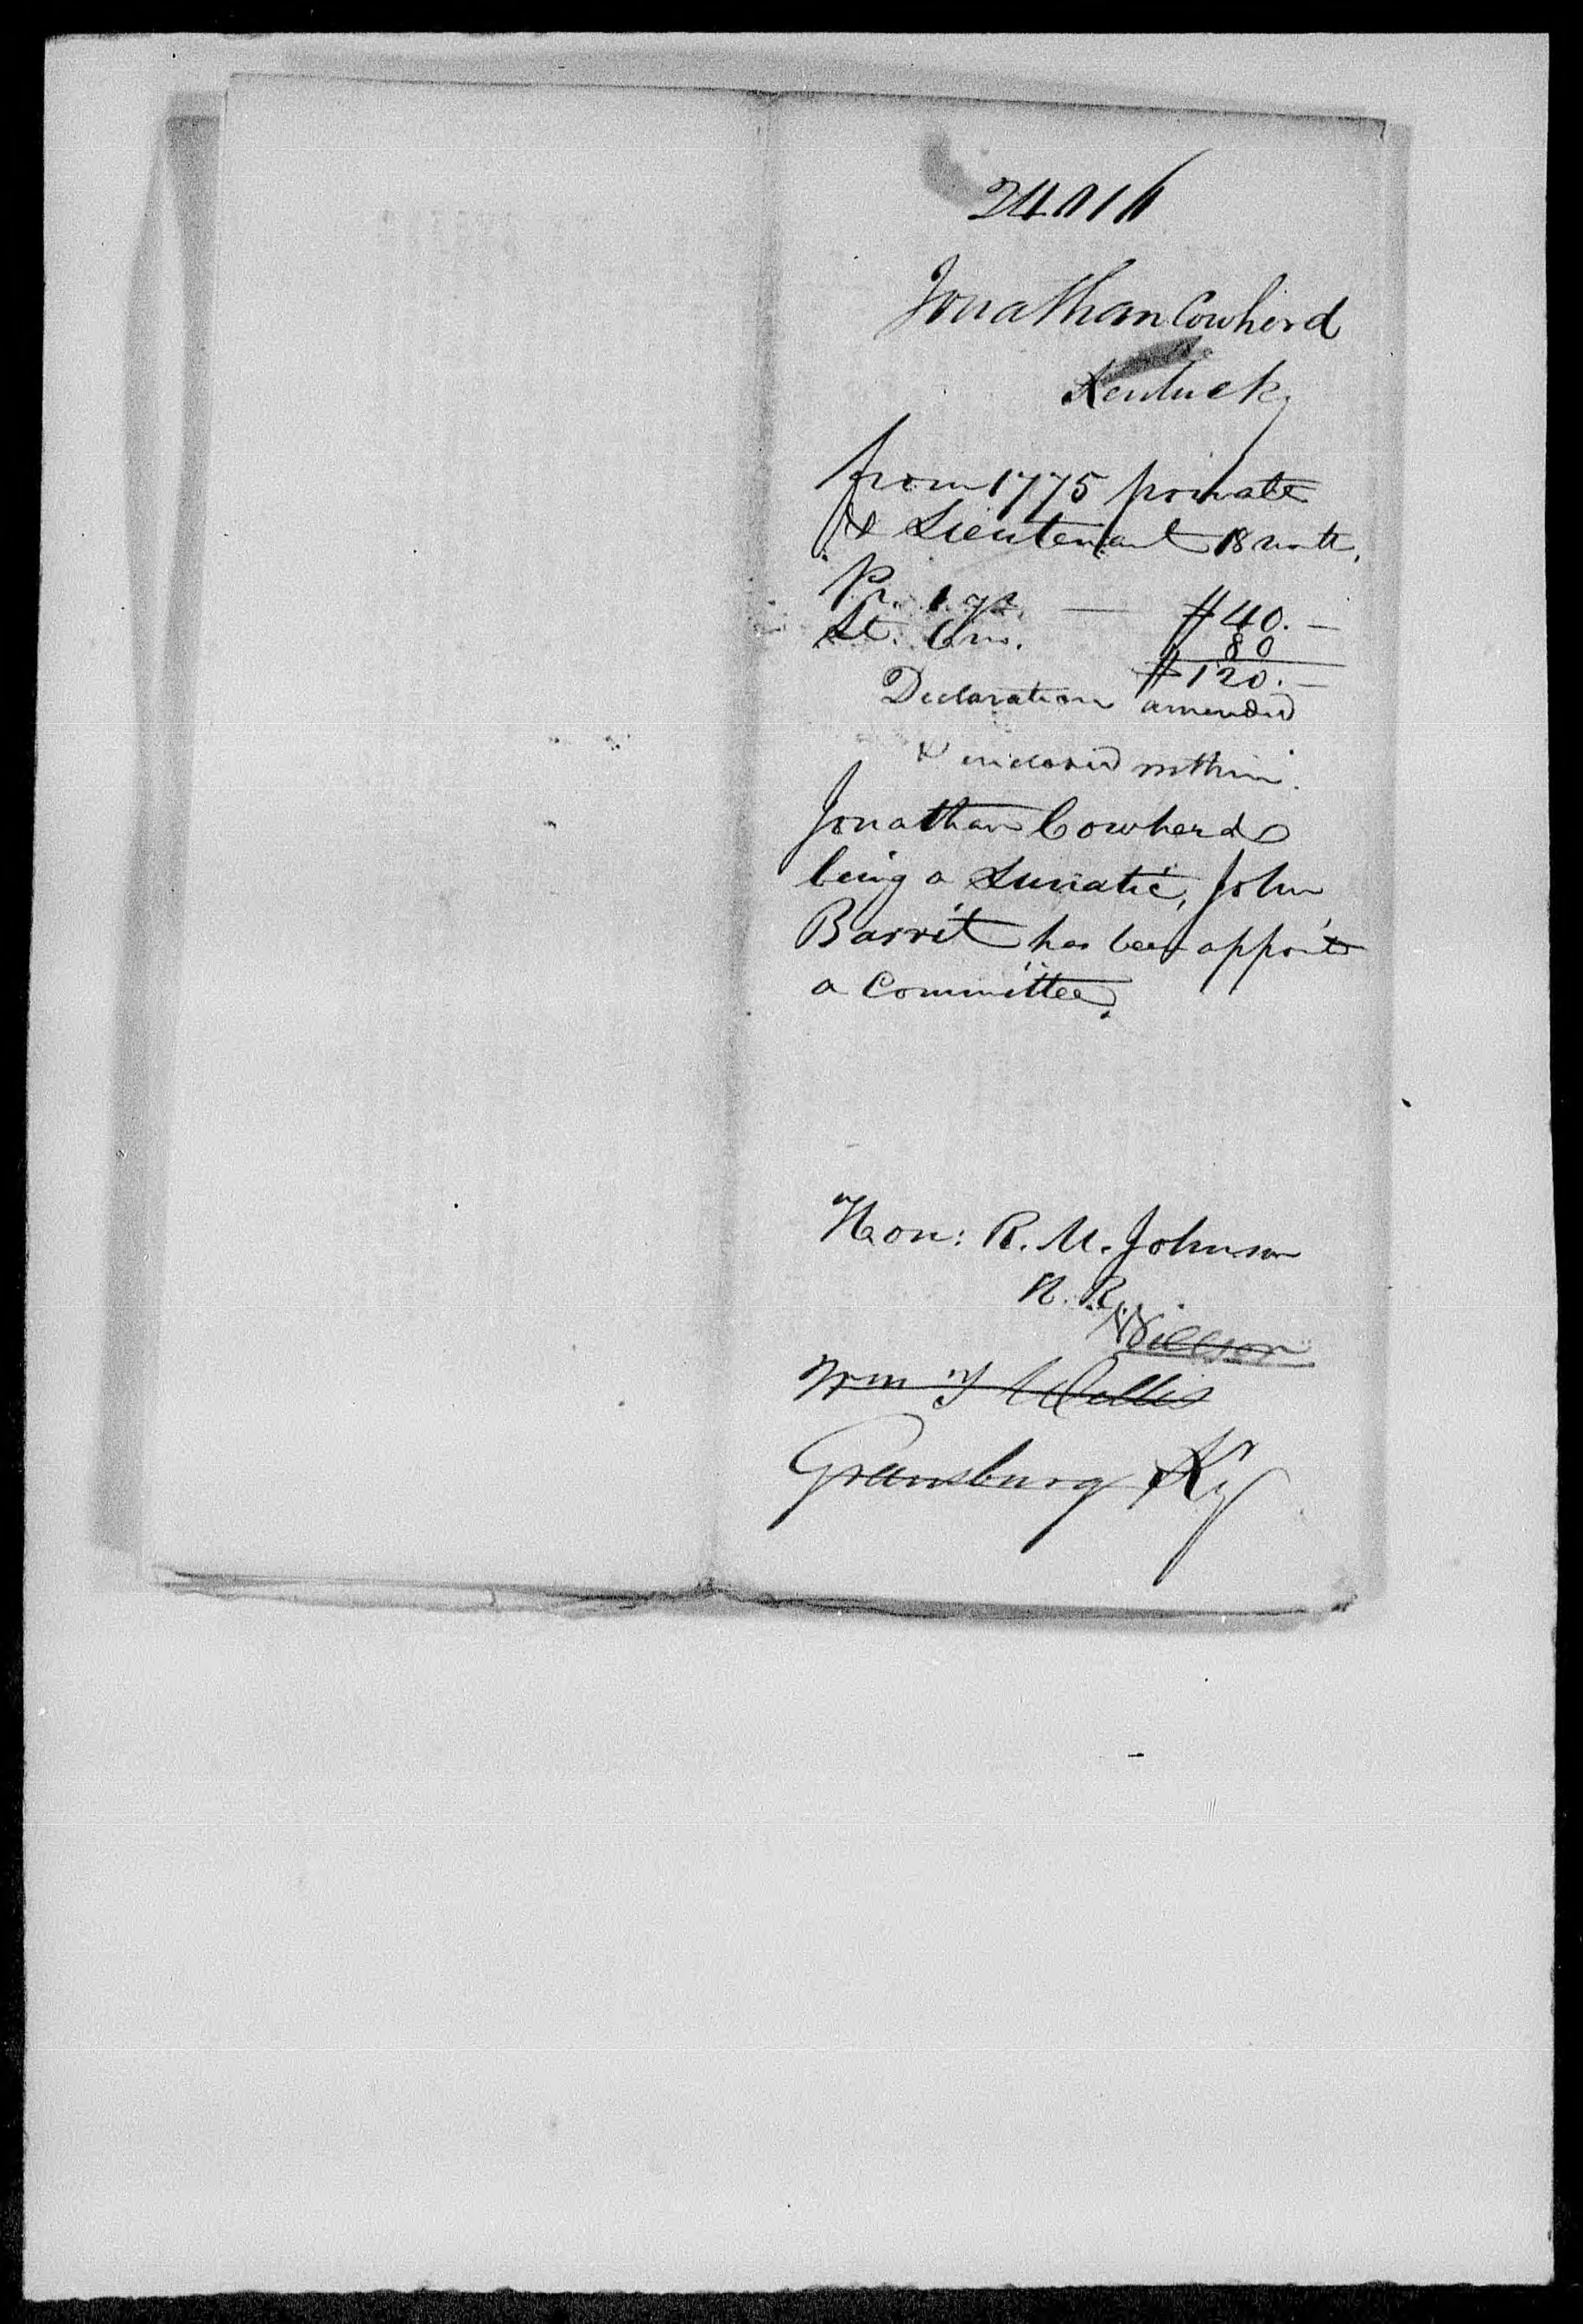24016
Jonathan Cowherd
Kentucky

From 1775 private & Lieutenant 18 months
Pr 1 yr            $40
Lt 6 ms           $80
                      $120

Declaration amended
?? ??

Jonathan Cowherd being a lunatic, John Barret has been appointed a committee

Hon. R.M. Johnson
N.R.

[Strike-through]  Nelson
[Strike-through] Wm. T. Dillis
[Strike-through] Gransburg, KY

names: N R Wilson, R M Johnson, Jonathan Cowherd, Jonathan Cowherd, Wm T Wellis, John Barrit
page: 12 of 46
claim: widow's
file: W 8619, Jonathan Cowherd, Va.